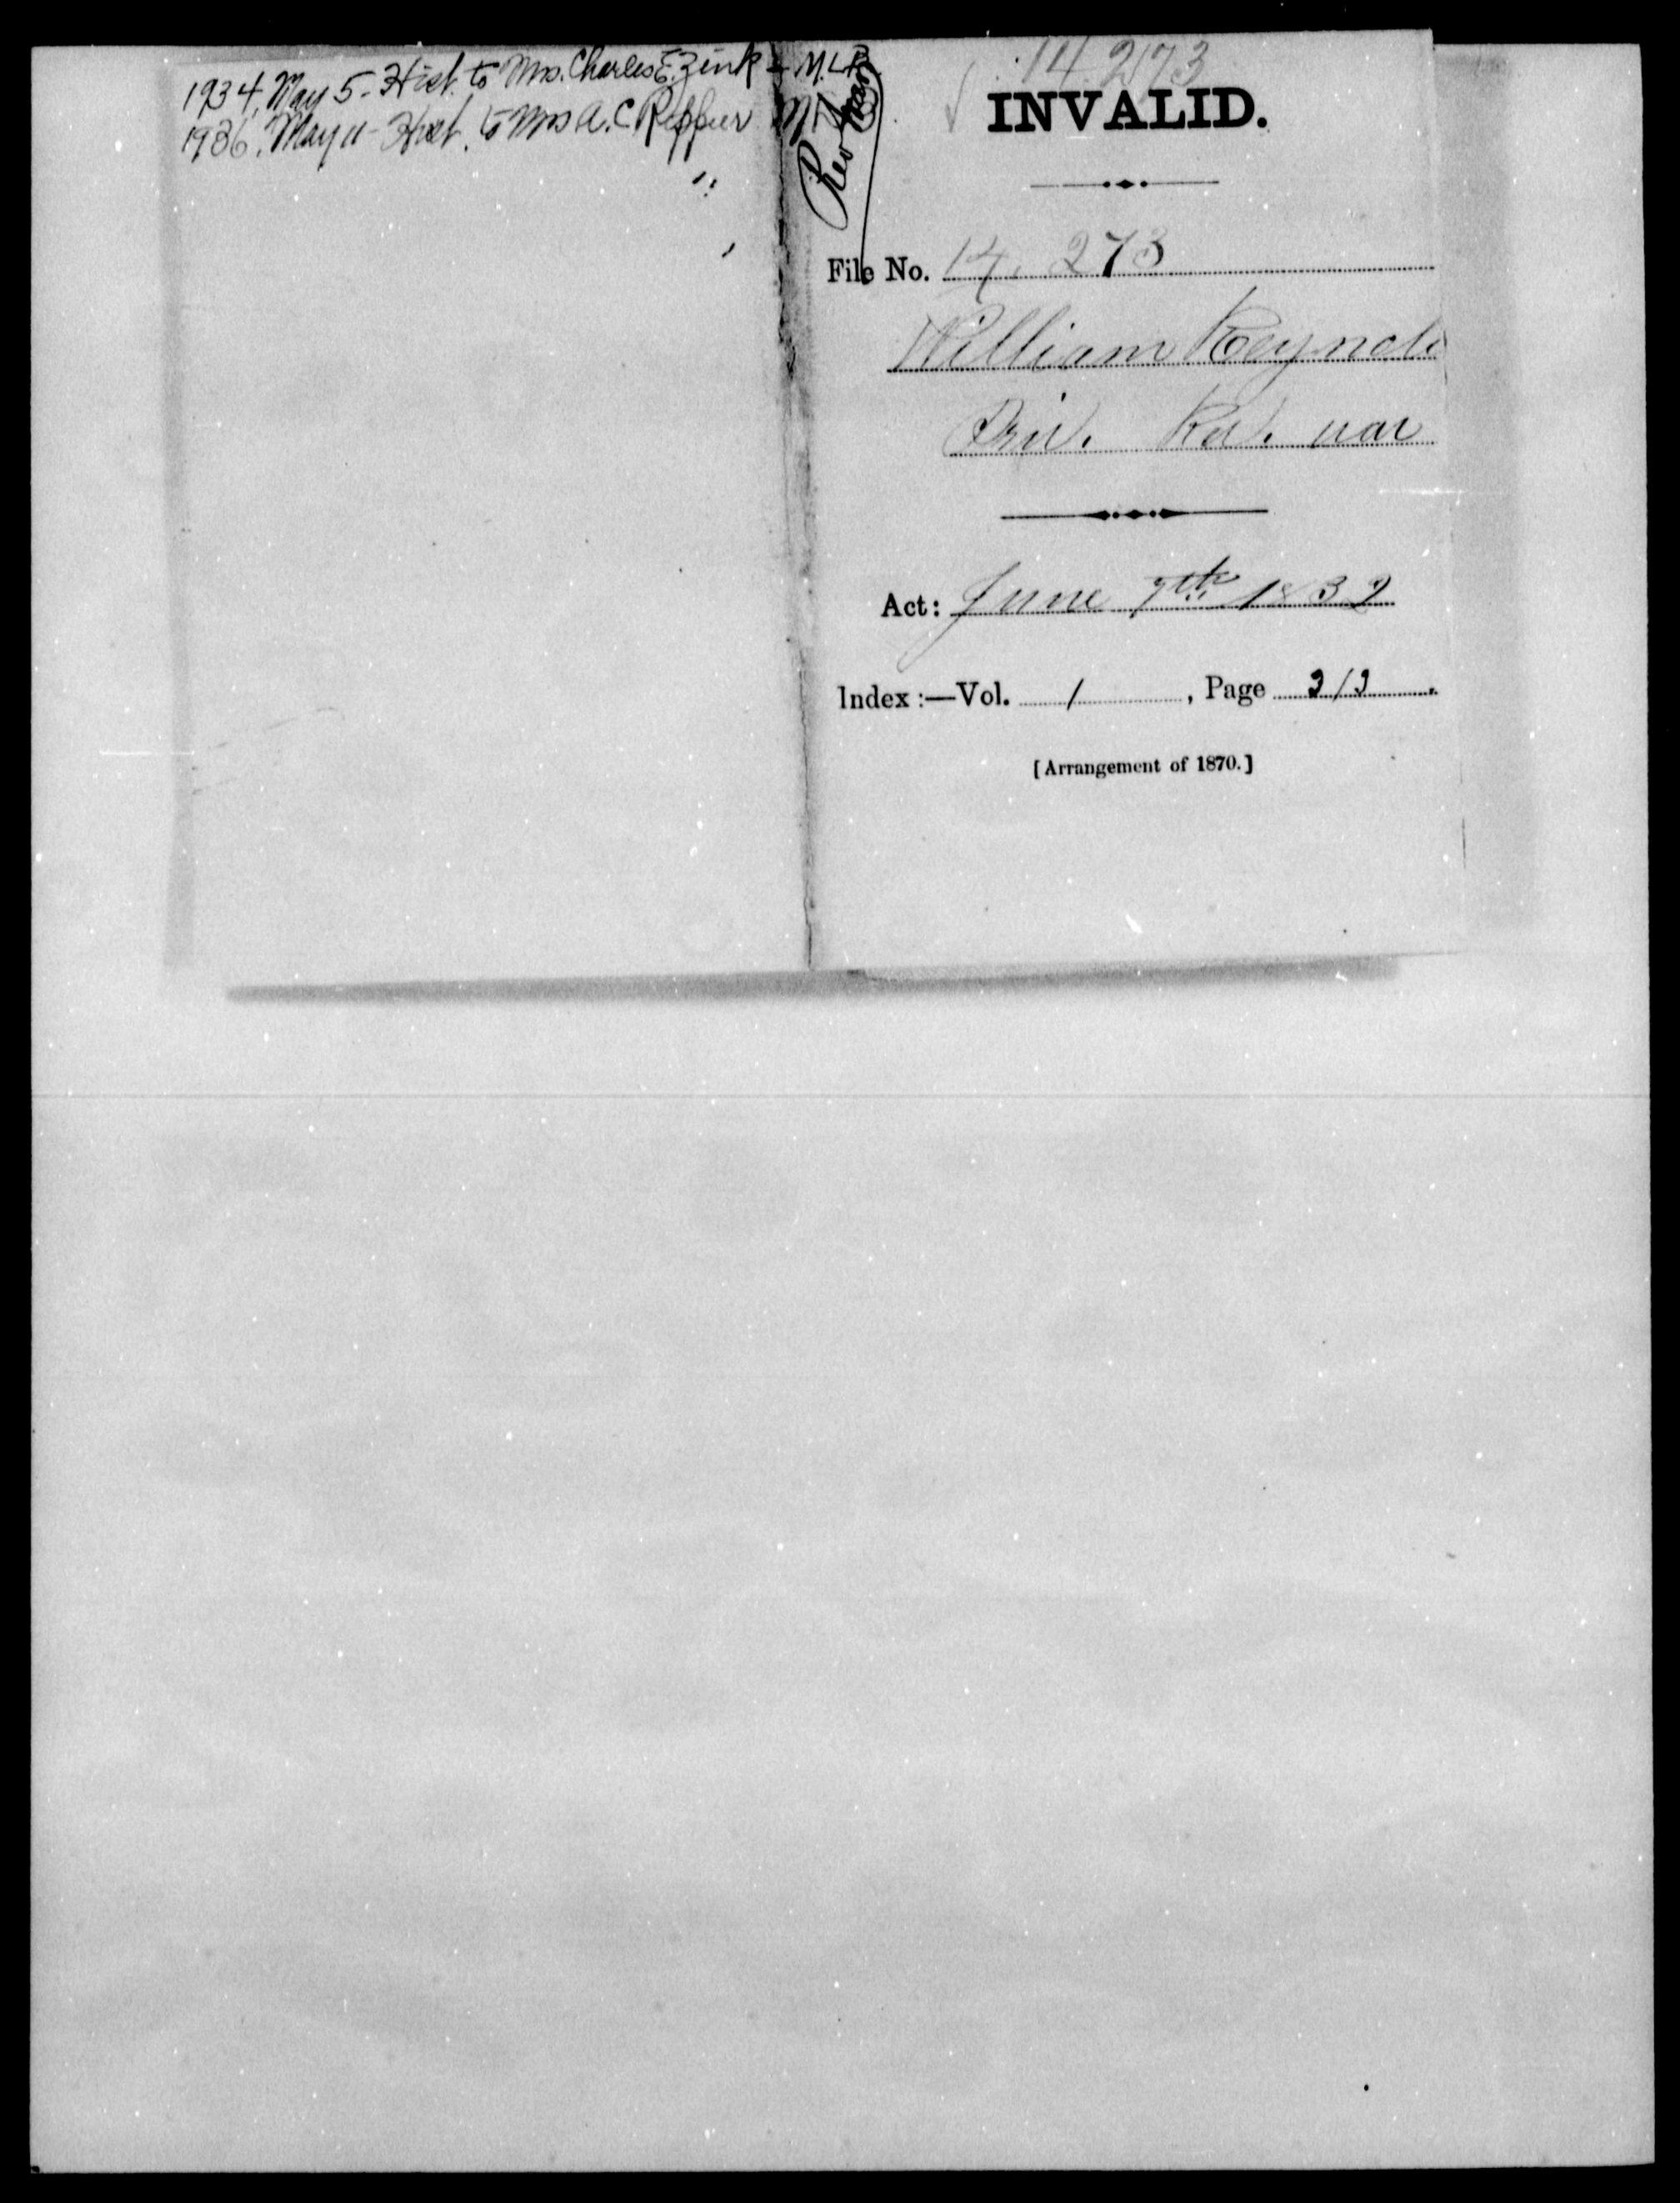1934, May 5 Hist to Mrs. Charles E. Zink
1936. May 11. Hist. to Mrs. A. Reppier
14273
INVALID.
File No. 14. 273
William Reynolds
Pri. Rev. War

Act: June 7th 1832
Index: -- Vol. 1, Page 3/3
(Arrangement of 1870.}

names: William Reynold; Charles E Zink; A C Rippier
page: 19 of 19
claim: survivor's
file: S. 14,273, for William Reynolds, Pennsylvania